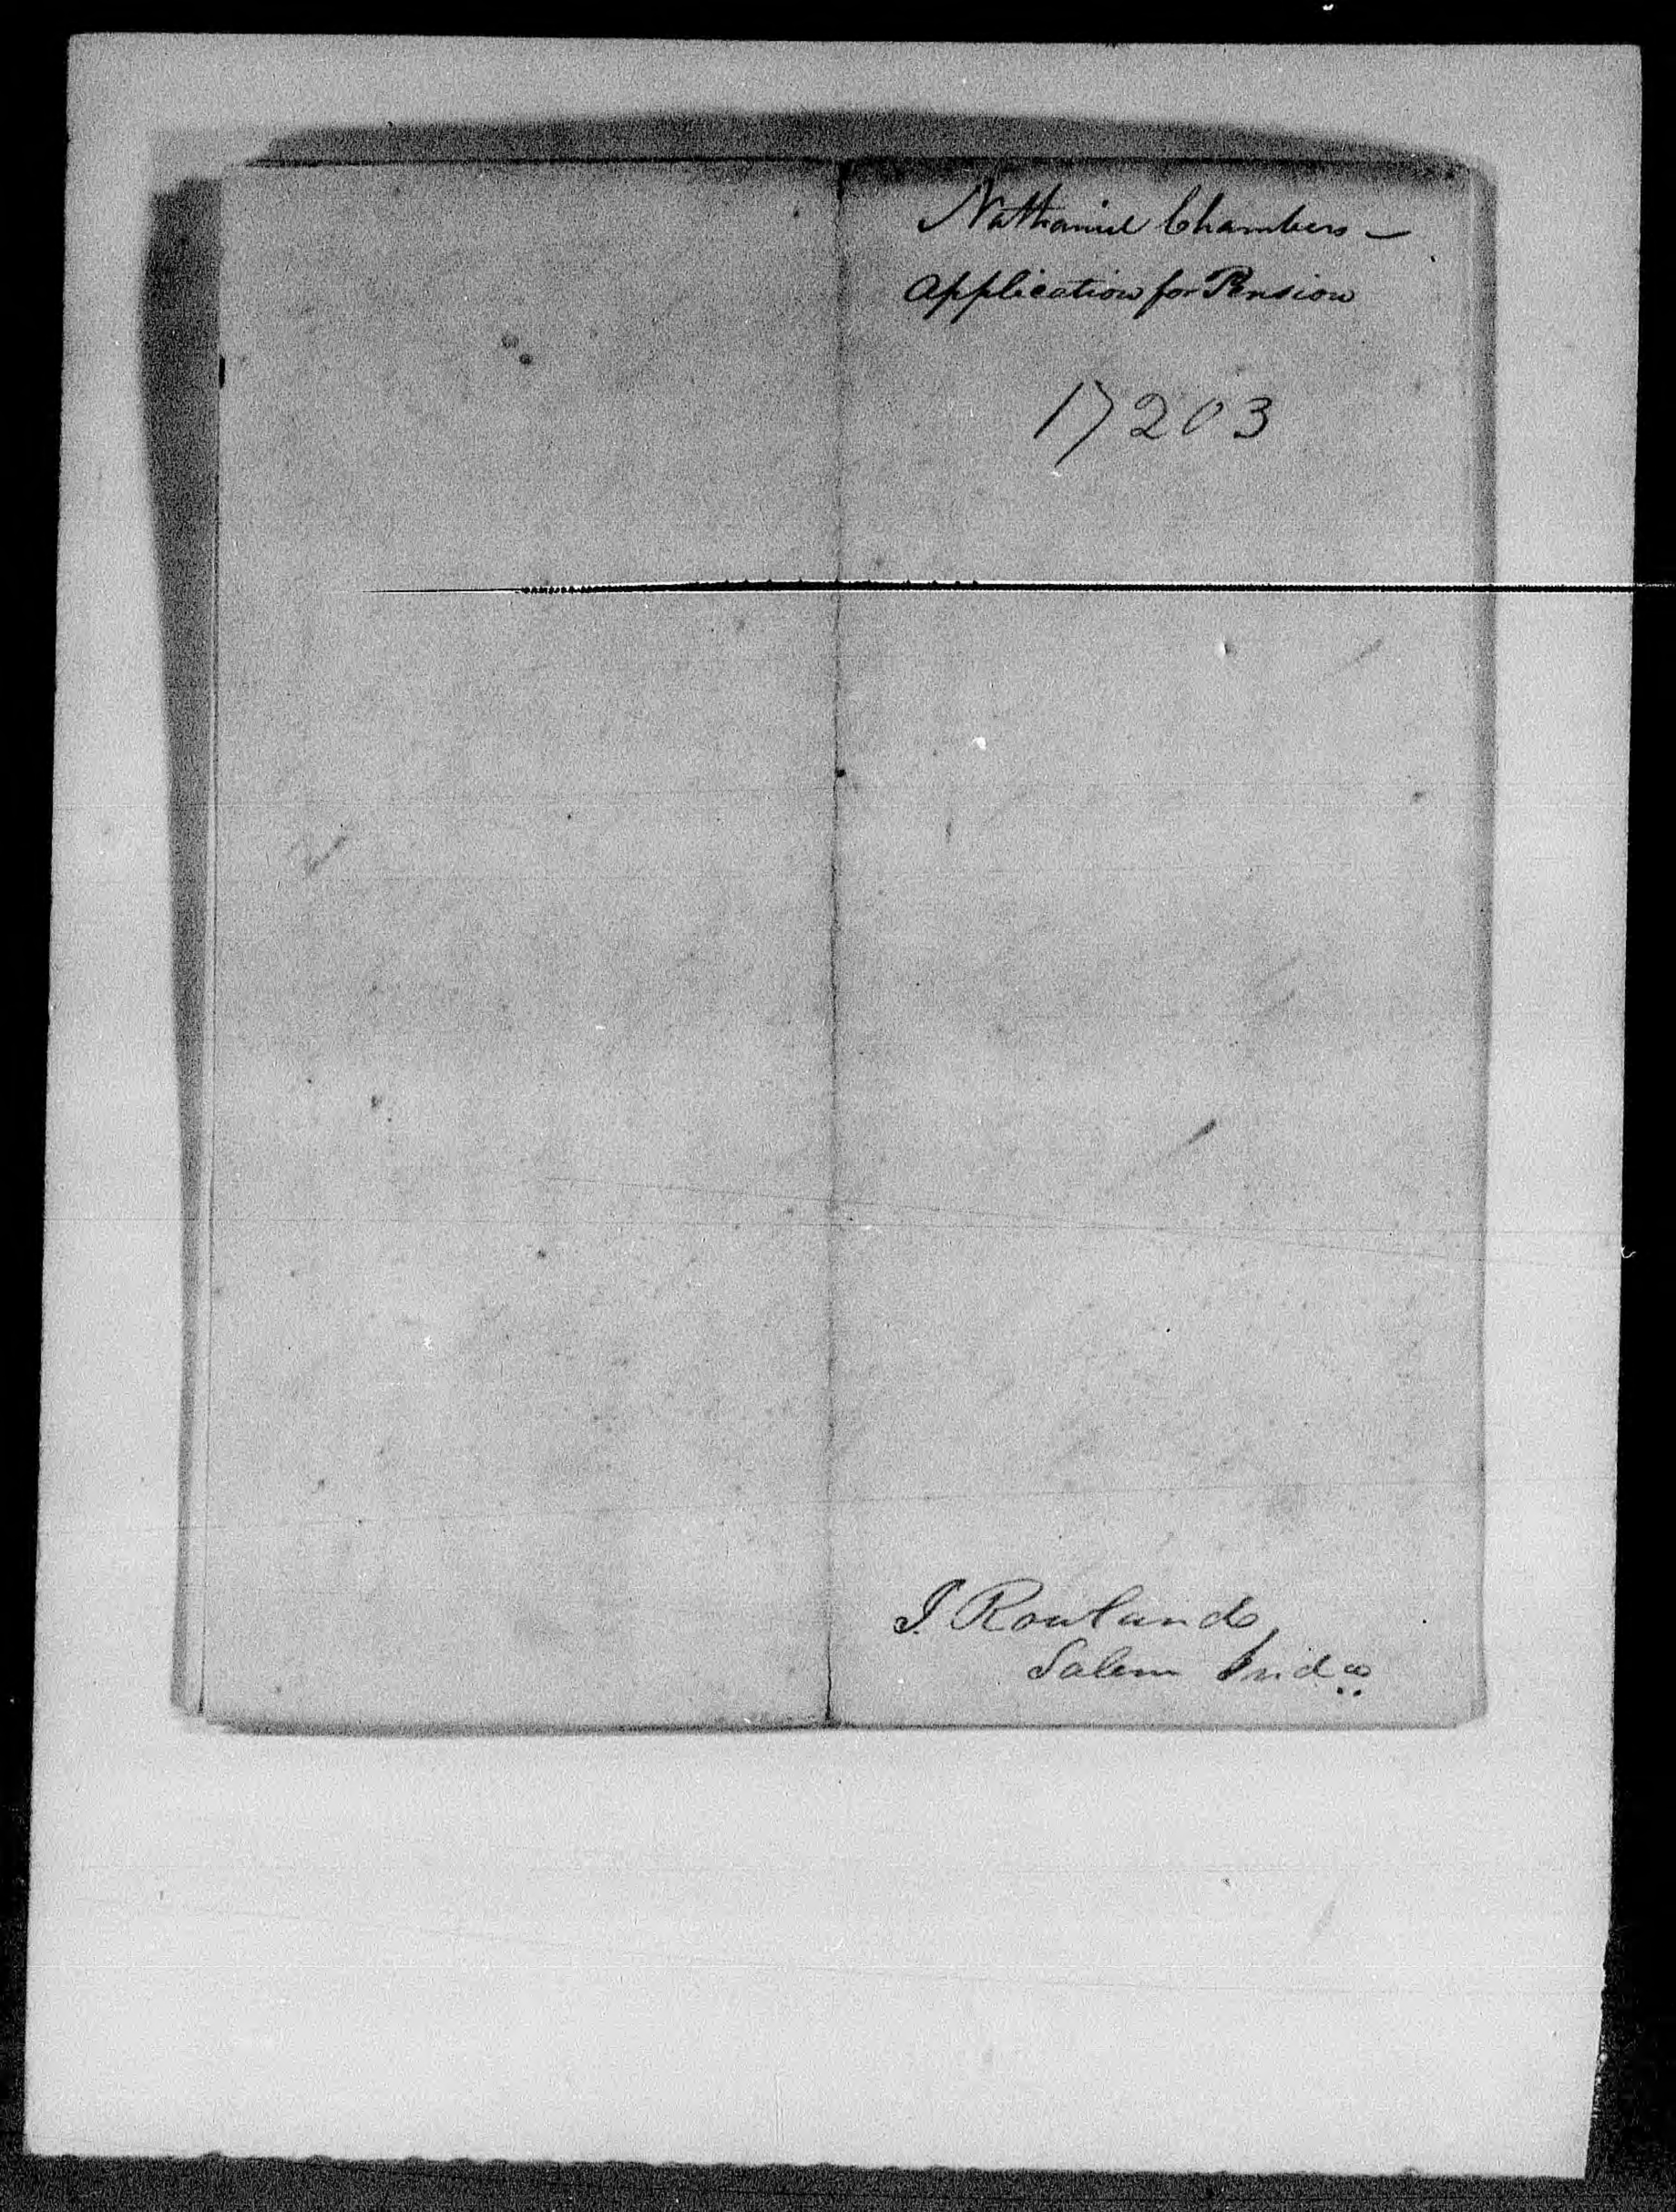Nathaniel Chambers
application for Pension
17203
J Rowland
Salem Indiana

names: J Rowland, Nathaniel Chambers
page: 3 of 13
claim: survivor's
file: S. 32,171, Nathaniel Chambers, N.C.